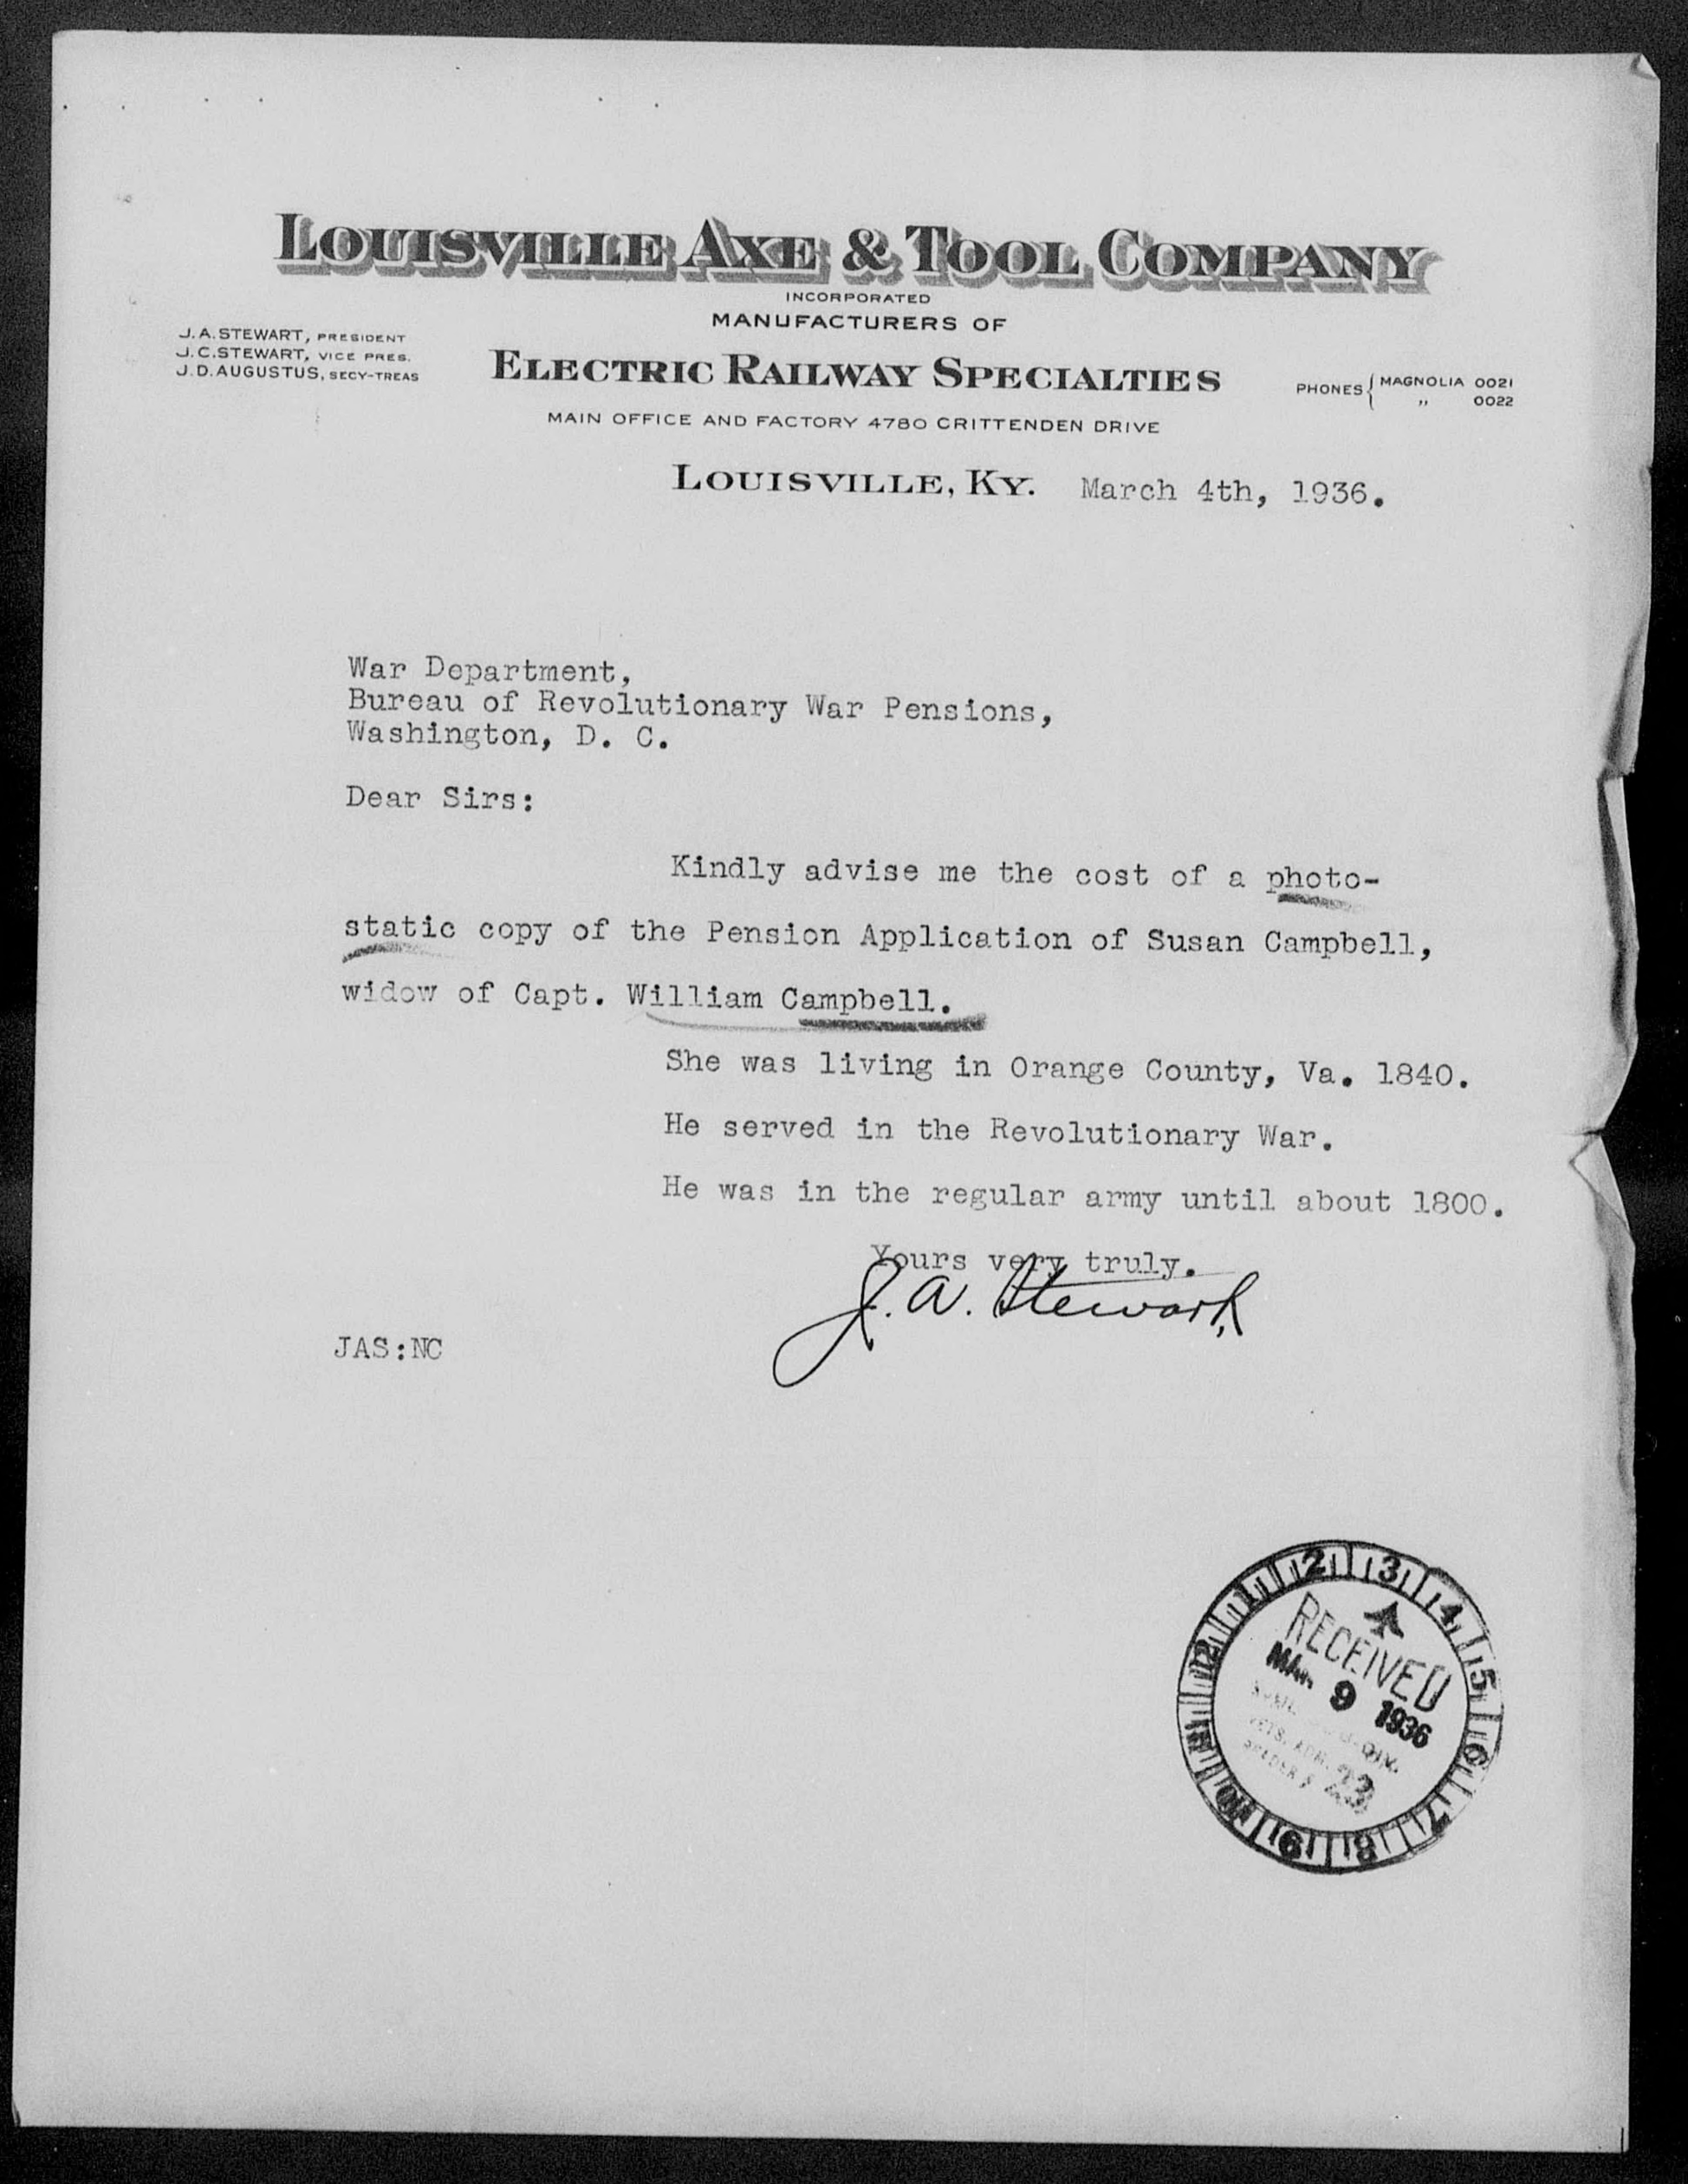[header]
LOUISVILLE AXE & TOOL COMPANY
INCORPORATED
MANUFACTURERS OF
ELECTRIC RAILWAY SPECIALTIES
MAIN OFFICE AND FACTORY 4780 CRITTENDEN DRIVE

J. A. STEWART, PRESIDENT
J. C. STEWART, VICE PRES.
J. D. AUGUSTUS, SECY-TREAS

PHONES { MAGNOLIA 0021; " 0022
LOUISVILLE, KY.

[typed body]
March 4th, 1936.

War Department,
Bureau of Revolutionary War Pensions,
Washington, D. C.

Dear Sirs:
Kindly advise me the cost of a photostatic copy of the Pension Application of Susan Campbell, widow of Capt. William Campbell.
She was living in Orange County, Va. 1840.
He served in the Revolutionary War.
He was in the regular army until about 1800.
Yours very truly,
[signed] J. A. Stewart

JAS:NC

[stamp]
RECEIVED
MAR 9 1936
MAIL SUB-DIV.
VETS. ADM.
READER # 23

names: Susan Campbell, J A Stewart, William Campbell, J D Augustus, J A Stewart, J C Stewart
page: 159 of 267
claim: widow's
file: W. 4,149, William Campbell, Va.